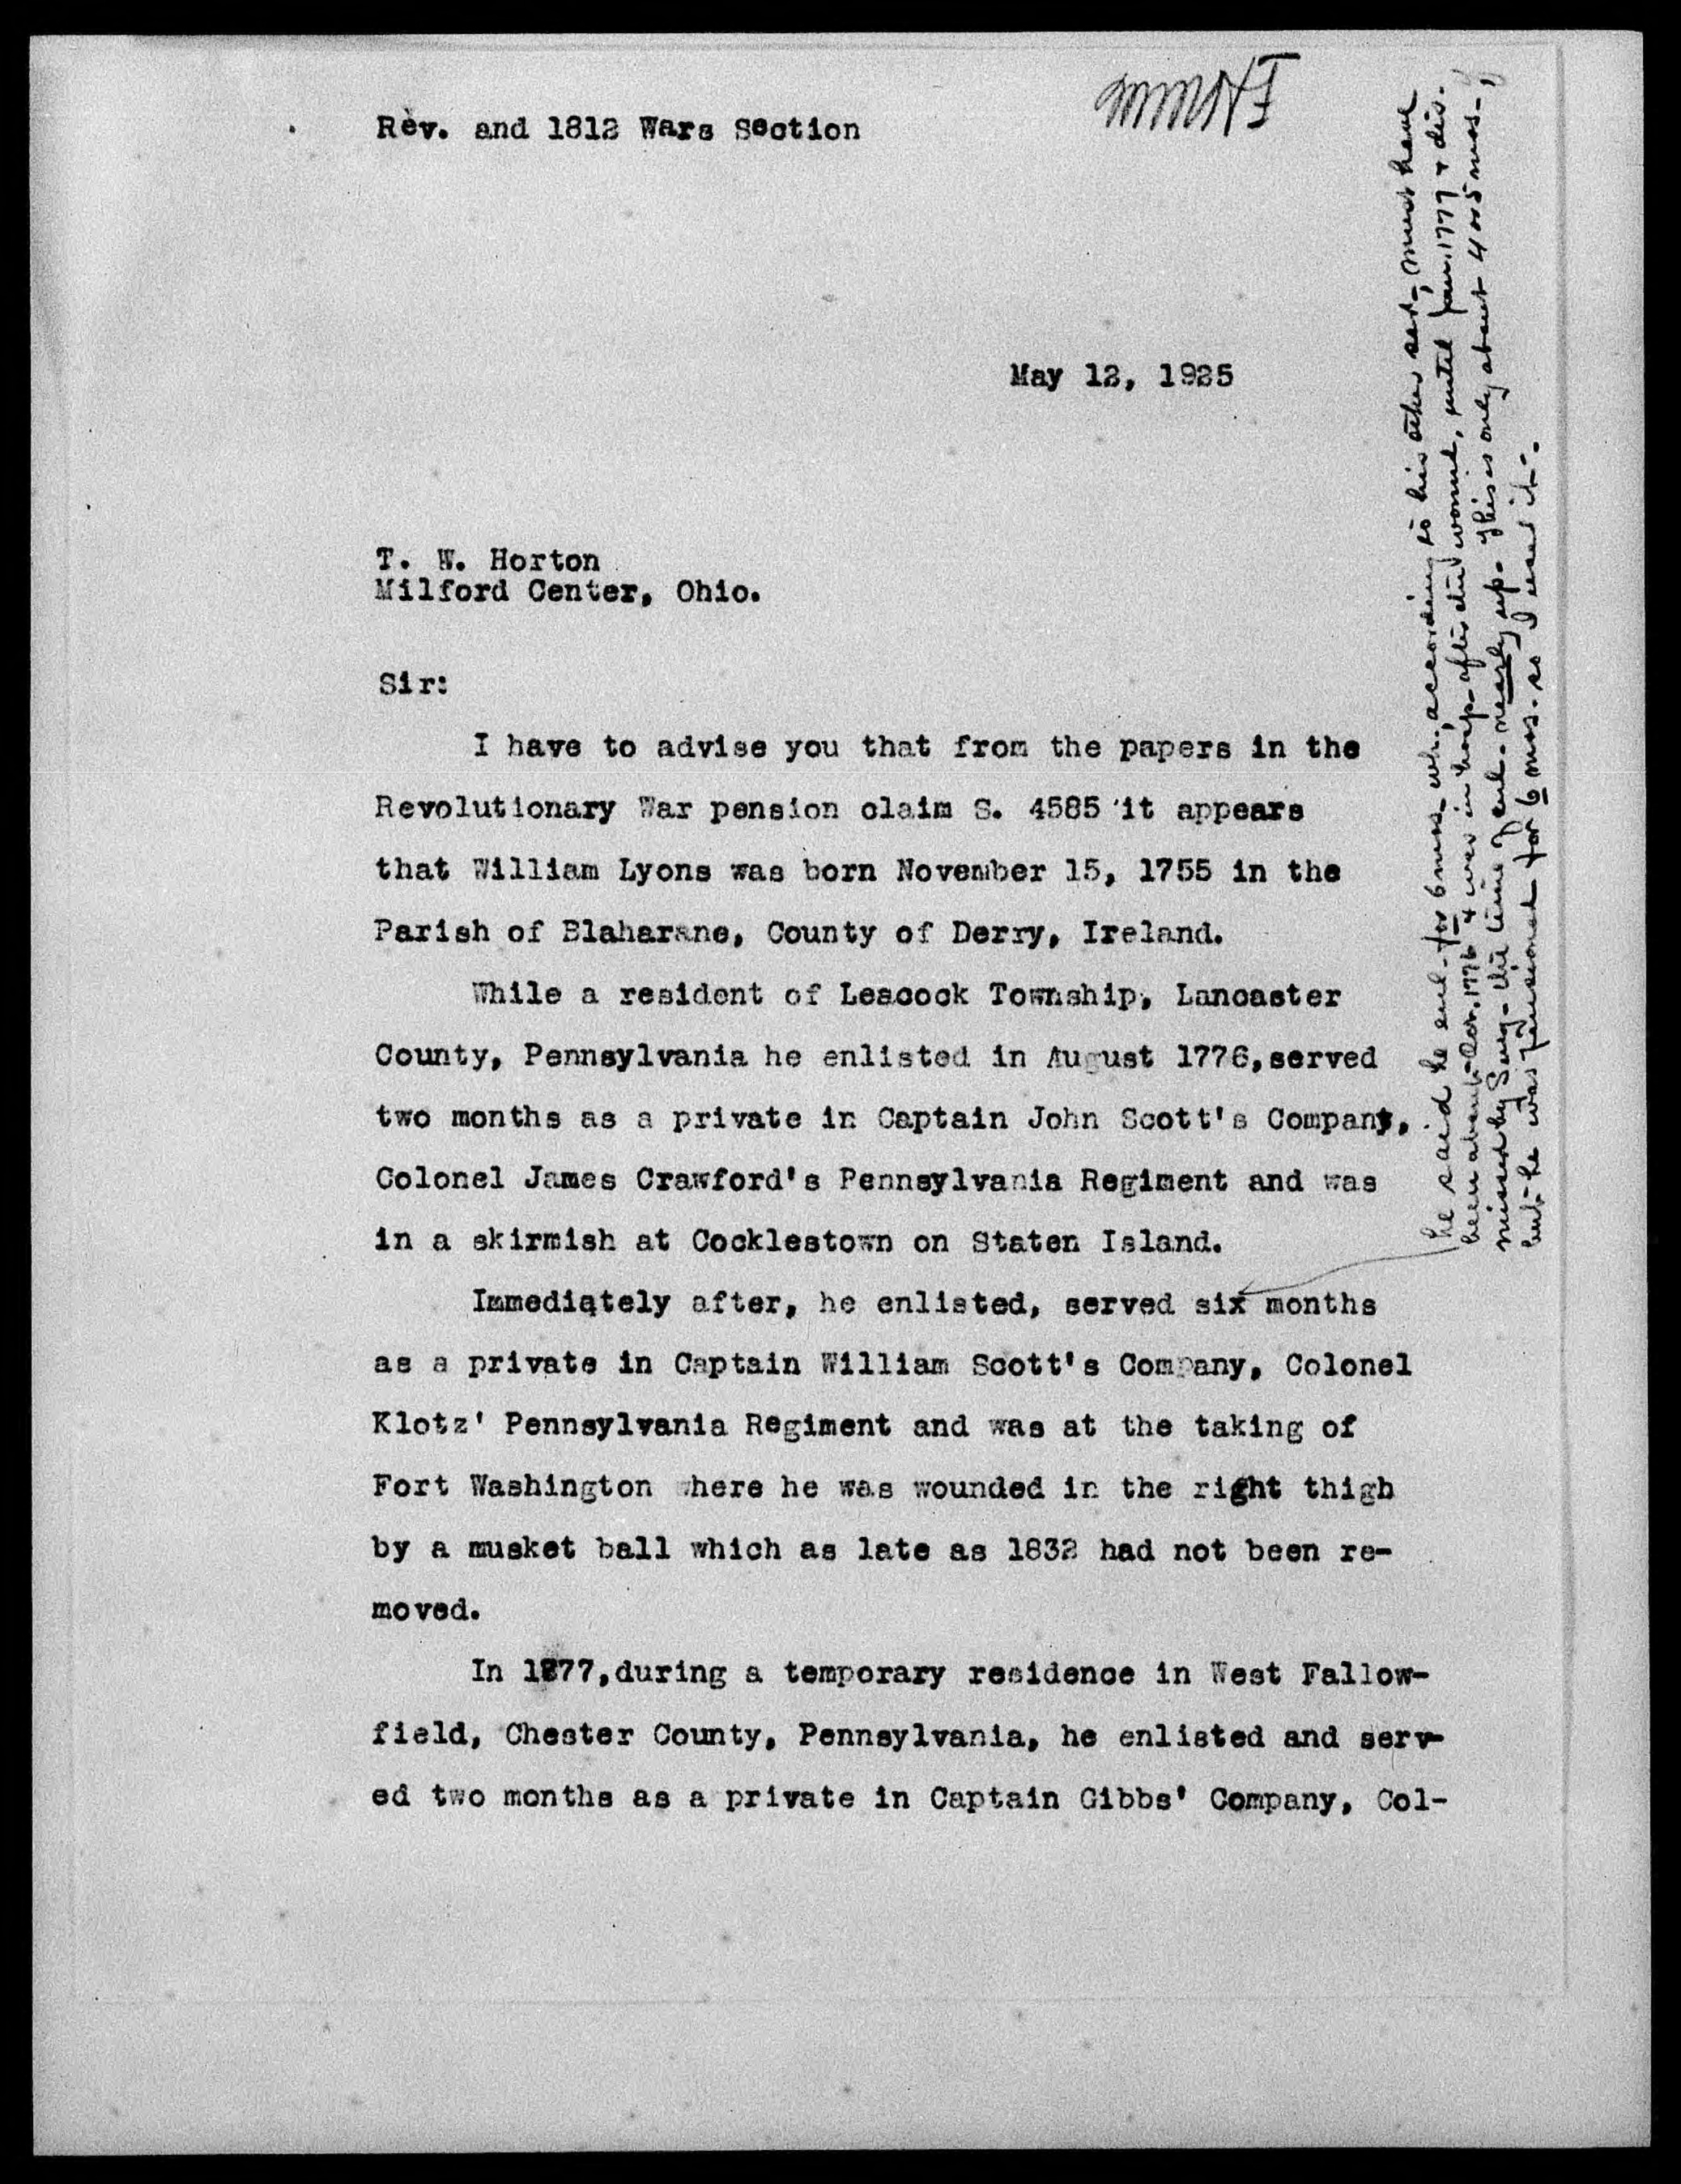T.W. Horton
Milford Center, ohio
Sir:
I have to advise you that from the papers in the Revolutionary War pension claim S. 4585 it appears that William Lyons was born November 15, 1755 in the Parish of Blaharance, County of Derry, Ireland.
While a resident of Leacock Township, Lancaster County, Pennsylvania he enlisted in August 1776, served two months as a private in Captain John Scott's Company. Colonel James Crawford's Pennsylvania Regiment and was in a skirmish at Cocklestown on Staten Island.
Immediately after, he enlisted, served six months he said he served for 6 months when, according is his (unreadable words) must have been about ( Oct 1776 and was in hospital after this wound until Jan 1777 and dismissed by Surgery this time of (unreadable) nearly up. This is only about 4 or 5 months. He was pensioned for 6 mos so I used it. as a private in Captain William Scott's company, Colonel Klotz' Pennsylvania Regiment and was at the taking of Fort Washington where he was wounded in the right thigh by a Musket ball which as late as 1832 had not been removed. in 1877, during a temporary residence in West Fallowfield, Chester County, Pennsylvania, he enlisted and served two months as a private in Captain Gibbs' Company,  Coi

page: 17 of 41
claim: survivor's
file: S. 4585, for William Lyons, Pennsylvania